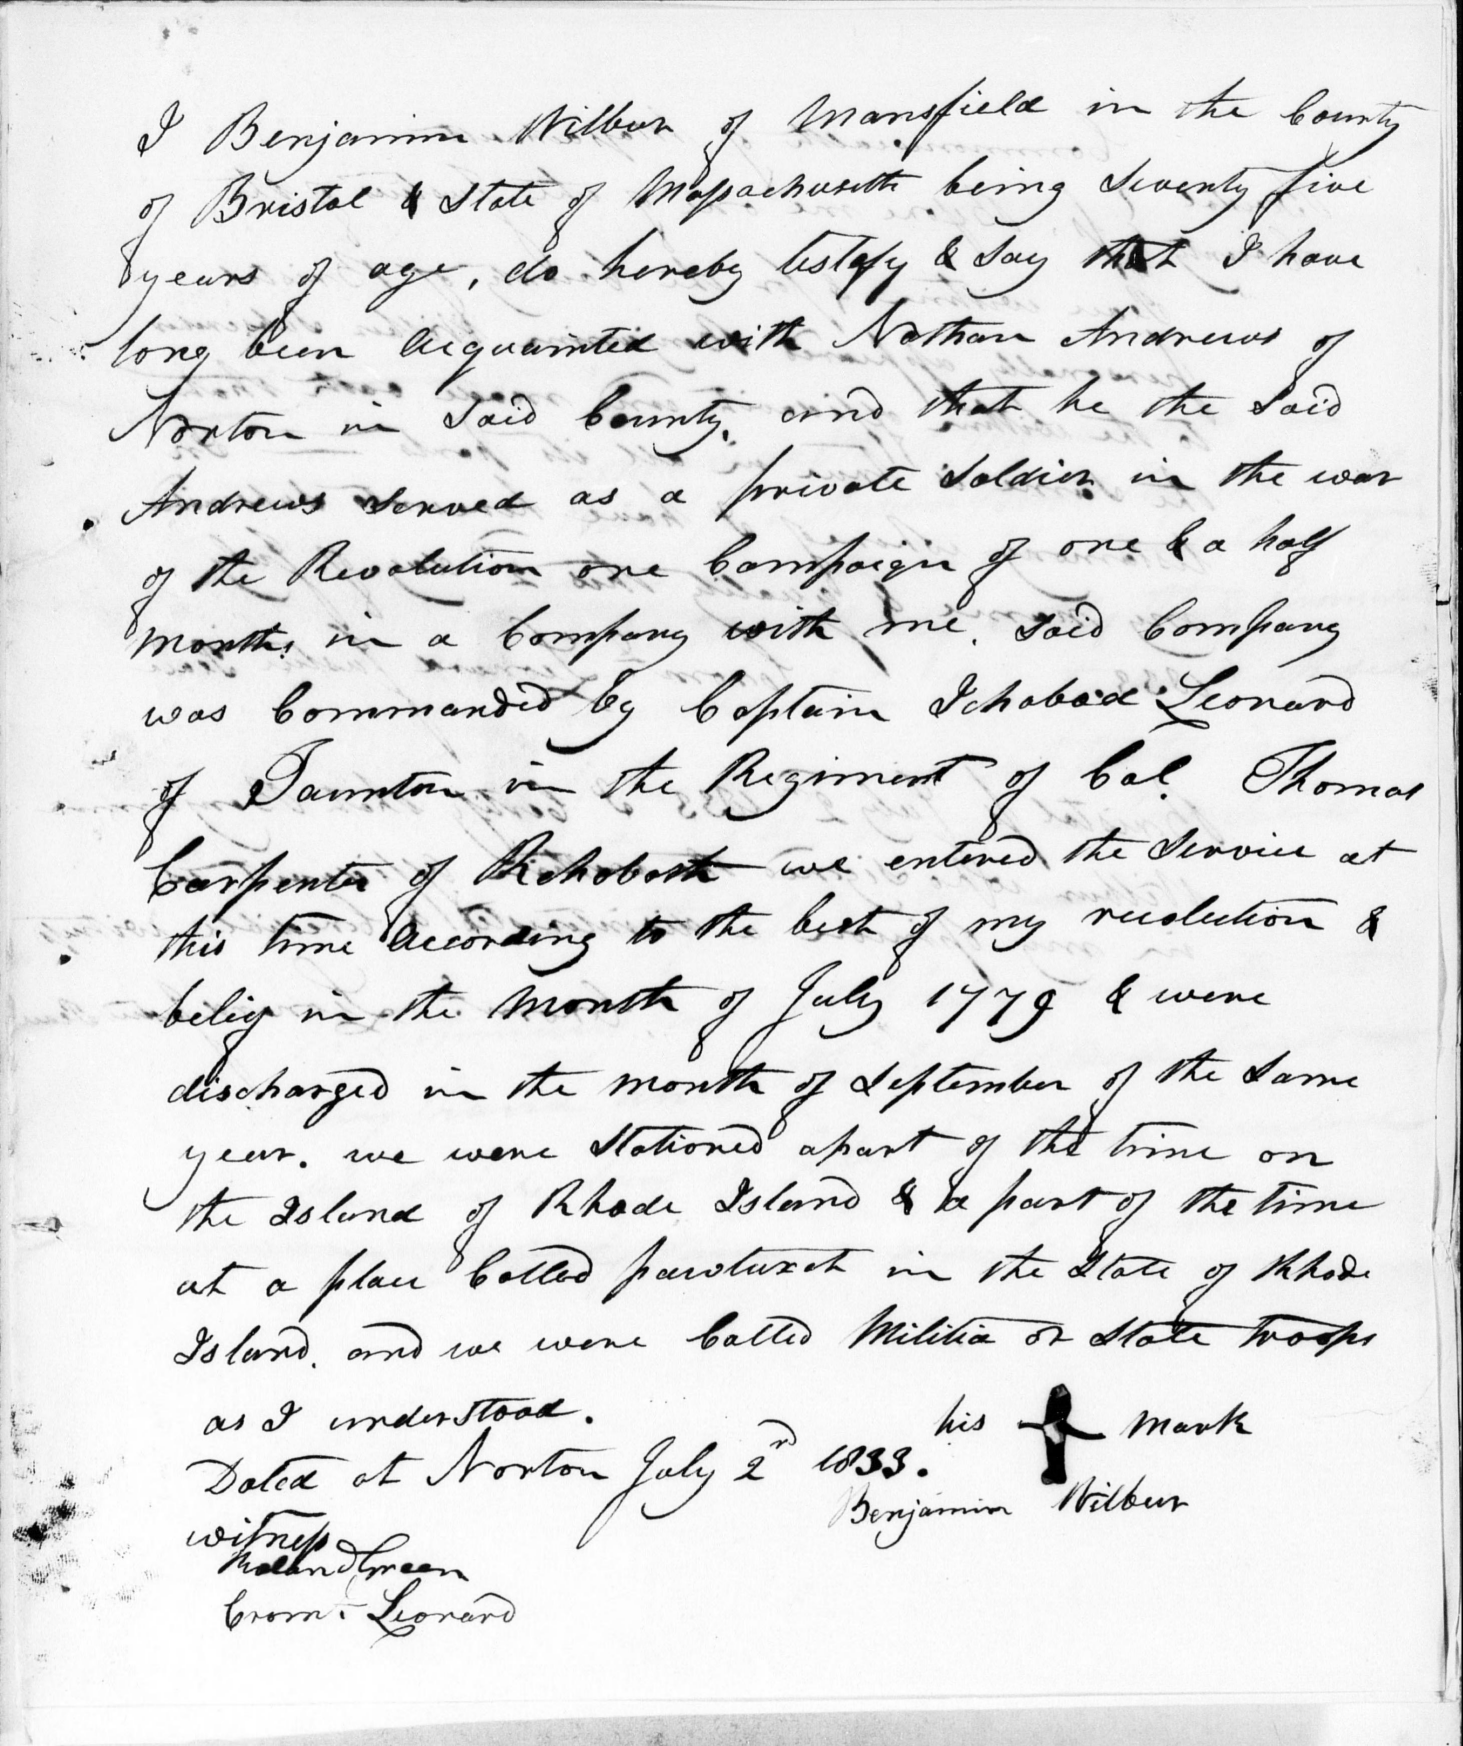I Benjamin Wilbur of Mansfield in the County of Bristol & state of Massachusetts being seventy five years of age do hereby testify & say that I have long been acquainted with Nathan Andrews of Norton in said county and that he the said Andrews served as a private soldier in the war of the Revolution one campaign of one & a half months in a company with me. Said company was commanded by Captain Ichabod Leonard of Taunton in the regiment of Col Thomas Carpenter of Rehoboth we entered the service at this time according to the best of my recollection & belief in the month of July 1779 & were discharged in the month of September of the same year. we were stationed a part of the time at a place called Pawtuxet in the state of Rhode Island and we were called Militia or state troops as I understood. Data at Norton July 2nd 1833 his mark [signed "x"] Benjamin Wilbur
Witness Roland Green Croml Leonard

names: Roland Green, Thomas Carpenter, Nathan Andrews, Benjamin Wilbur, Andrews, Croml Leonard, Ichabod Leonard, Benjamin Wilbur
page: 15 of 18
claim: survivor's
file: S. 29,590, Nathan Andrews, Mass R.I.